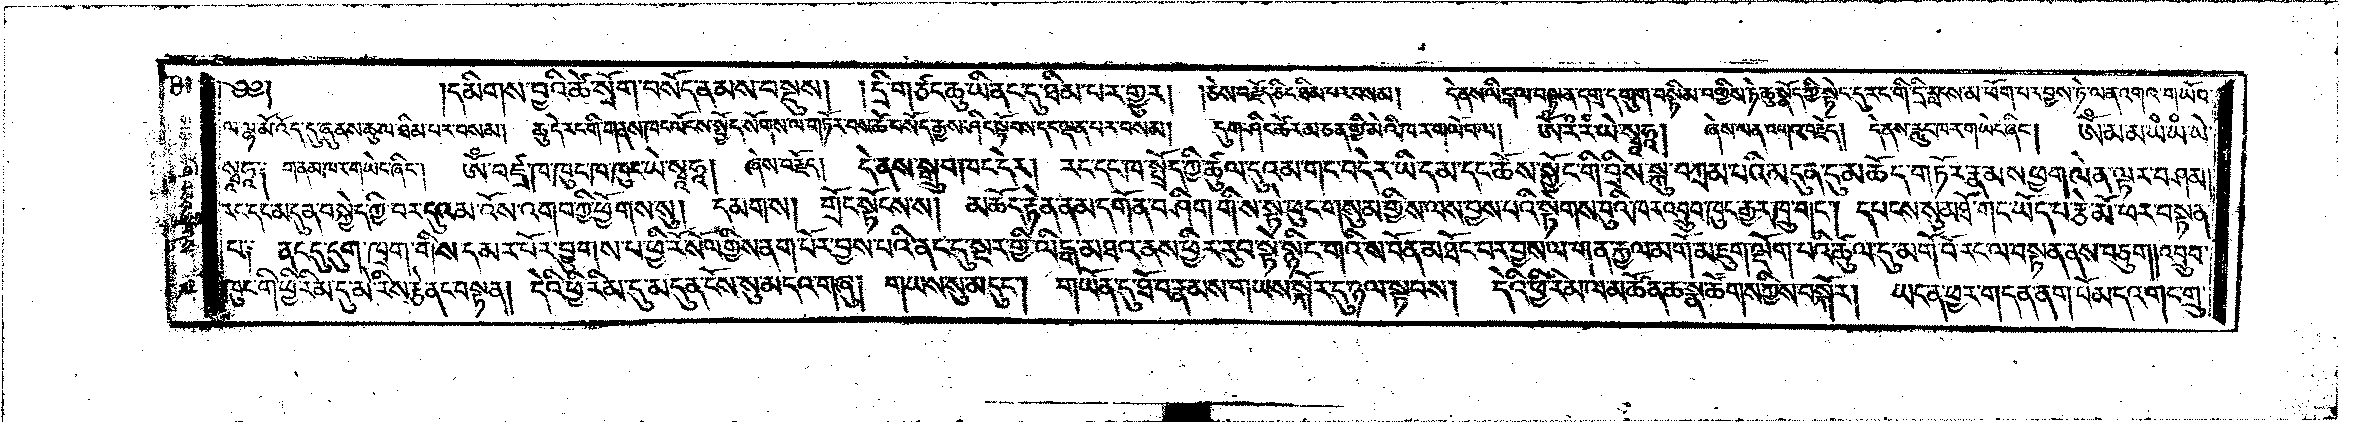༄༅། །དམིགས་བྱའི་ཚེ་སྲོག་བསོད་ནམས་བསྡུས། །དྲི་གཙང་ཆུ་ཡི་ནང་དུ་ཐིམ་པར་གྱུར། །ཅེས་བརྗོད་ཅིང་ཐིམ་པར་བསམ། དེ་ནས་ལིངྒ་བསྟན་དགྲ་དགུག་བསྟིམ་བགྱིས་ཏེ་ཆུ་སྣོད་ཀྱི་སྟེང་དུ་རང་གི་དྲི་རླངས་མ་ཕོག་པར་བྱས་ཏེ་ལན་འགའ་གཡོབ་
ལ་ལྷ་མོ་འོད་དུ་ཞུ་ནས་ཆུ་ལ་ཐིམ་པར་བསམ། ཆུ་དེ་རང་གི་གནས་ཁང་ལོངས་སྤྱོད་སོགས་ལ་གཏོར་བས་ཚེ་བསོད་རྒྱས་ཤིང་སྟོབས་དང་ལྡན་པར་བསམ། དུག་ཤིང་ཚེར་མ་ཅན་གྱི་མེའི་ཁར་གཡོབ་ལ། ཨོཾ་རཾ་རཾ་ཡེ་སྭཱཧཱ། ཞེས་ལན་འགའ་བརྗོད། དེ་ནས་རླུང་ཁར་གཡེང་ཞིང་།  ཨོཾ་མ་མ་ཡཾ་ཡཾ་ཡེ་
སྭཱཧཱ། གནམ་ཁར་གཡེང་ཞིང་།  ཨོཾ་བཛྲ་ཁ་ཁུང་ཁ་ཁུང་ཡེ་སྭཱཧཱ། ཞེས་བརྗོད།  དེ་ནས་སྒྲུབ་ཁང་དེར། རང་དང་ཁ་སྤྲོད་ཀྱི་ཚུལ་དུའམ་གང་བདེར་ཡི་དམ་དང་ཆོས་སྐྱོང་གི་བྲིས་སྐུ་བཀྲམ་པའི་མདུན་དུ་མཆོད་གཏོར་རྣམས་ཕྱག་ལེན་ལྟར་བཤམ།
རང་དང་མདུན་བསྐྱེད་ཀྱི་བར་དུའམ་འོས་འགབ་ཀྱི་ཕྱོགས་སུ། དམགས། གྲོང་སྟོངས་ས། མཆོད་རྟེན་ནམ་དགོན་བཤིག་གིས་སྟེ་ཕུང་གསུམ་གྱིས་བྱས་པའི་སྟེགས་བུའི་ཁར་འབྲུབ་ཁུང་རྒྱར་ཁྲུ་གང་། དཔངས་སུ་མཐོ་གང་ཡོད་པ་རྩེ་མོ་ཕར་བསྟན་
པ༑ ནང་དུ་དུག་ཁྲག་གིས་དམར་པོར་བྱུགས་པ་ཕྱི་རོ་སོལ་གྱིས་ནག་པོར་བྱས་པའི་ནང་དུ་སྔར་གྱི་ལིངྒ་མཐའ་ནས་ཕྱིར་རུབ་སྟེ་སྙིང་གའི་ས་བོན་མཐོང་བར་བྱས་ལ་གན་རྐྱལ་མགོ་མཇུག་ལྡོག་པའི་ཚུལ་དུ་མགོ་བོ་རང་ལ་བསྟན་ནས་བཅུག ། འབྲུབ་
ཁུང་གི་ཕྱི་རིམ་དུ་མེ་རིས་རྩེ་ནང་བསྟན། དེའི་ཕྱི་རིམ་དུ་མདུན་ངོས་སུ་མདའ་གཞུ། གཡས་སུ་མདུང་། གཡོན་དུ་ཐོབ་རྣམས་གཡས་སྐོར་དུ་ཉལ་སྟབས། དེའི་ཕྱི་རིམ་ལ་མཚོན་ཆ་སྣ་ཚོགས་ཀྱིས་བསྐོར། ཡང་ན་ཕྱར་གདན་ནག་པོ་མདའ་གང་གྲུ་